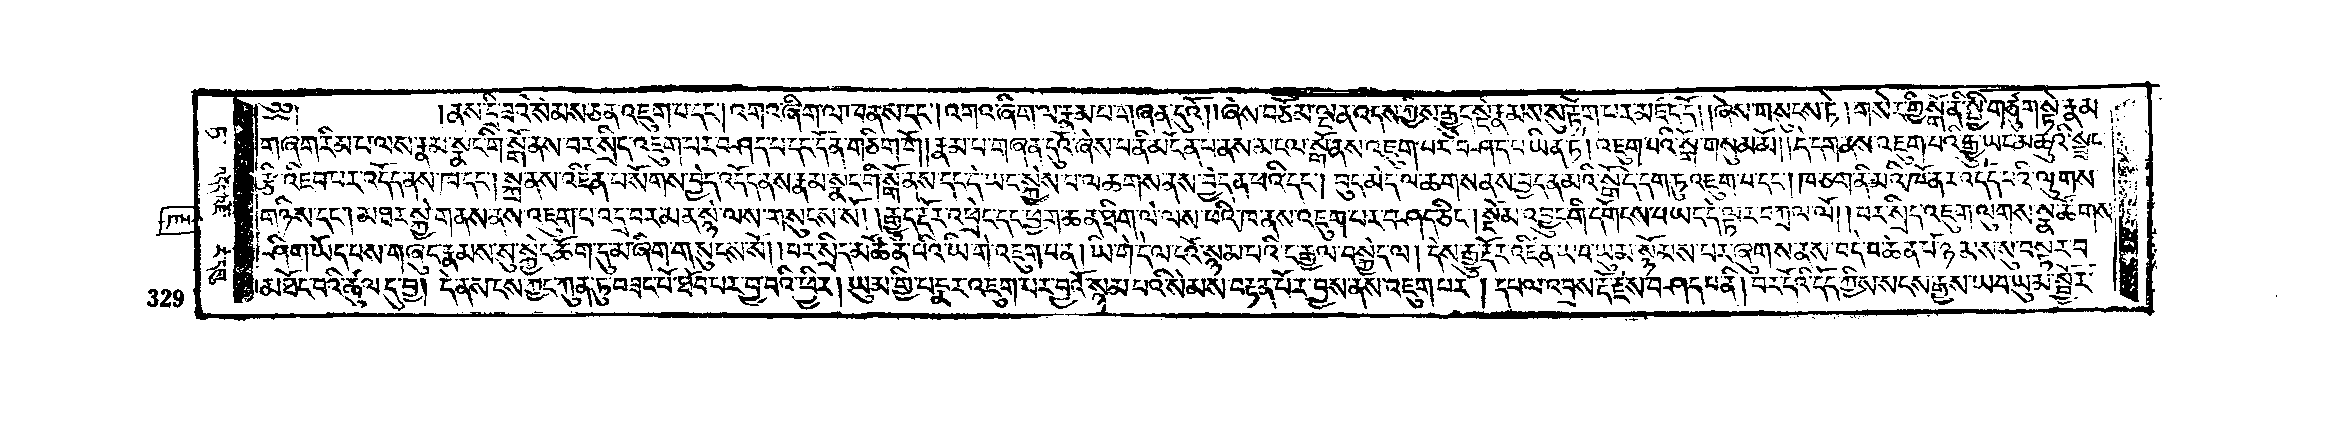༄༅། །ནས་དྲི་ཟའི་སེམས་ཅན་འཇུག་པ་དང་། འགའ་ཞིག་ལ་ཁ་ནས་དང་། འགའ་ཞིག་ལ་རྣམ་པ་གཞན་དུའོ། །ཞེས་བཅོམ་ལྡན་འདས་ཀྱིས་རྒྱུད་སྡེ་རྣམས་སུ་རྟོག་པར་མཛད་དོ། །ཞེས་གསུངས་ཏེ། གསེར་གྱི་སྒོ་ནི་སྤྱི་གཙུག་སྟེ་རྣམ་
གཞག་རིམ་པ་ལས་རྣམ་སྣང་གི་སྒོ་ནས་བར་སྲིད་འཇུག་པར་བཤད་པ་དང་དོན་གཅིག་གོ། རྣམ་པ་གཞན་དུའོ་ཞེས་པ་ནི་མངོན་པ་ནས་མངལ་སྒོ་ནས་འཇུག་པར་བཤད་པ་ཡིན་ཏེ། འཇུག་པའི་སྒོ་གསུམ་མོ། །དེ་དག་ནས་འཇུག་པའི་རྒྱུ་ཡང་མཆུའི་སྦྲང་
རྩི་འཇིབ་པར་འདོད་ནས་ཁ་དང་། སྐྲ་ནས་འཛིན་པ་སོགས་བྱེད་འདོད་ནས་རྣམ་སྣང་གི་སྒོ་ནས་དང་དེ་ཡང་སྐྱེས་པ་ལ་ཆགས་ནས་བྱེད་ན་ཕའི་དང་། བུད་མེད་ལ་ཆགས་ནས་བྱད་ན་མའི་སྒོ་དེ་དག་ཏུ་འཇུག་པ་དང་། ཁ་ཅིག་ནི་མའི་ཁོ་ནར་འདོད་པའི་ལུགས་
གཉིས་དང་། མཐར་སྐྱེ་གནས་ནས་འཇུག་པ་འདྲ་བར་མན་སྙེ་ལས་གསུངས་སོ། །རྒྱུད་རྡོར་འཕྲེང་དང་ཕྱག་ཆེན་ཐིག་ལེ་ལས་ཕའི་ཁ་ནས་འཇུག་པར་བཤད་ཅིང་། སྡོམ་འབྱུང་གི་དགོངས་པ་ཡང་དེ་ལྟར་བཀྲལ་ལོ། །བར་སྲིད་འཇུག་ལུགས་སྣ་ཚོགས་
ཤིག་ཡོད་པས་གཞུང་རྣམས་སུ་སྐྱེད་ཆོག་དུ་མ་ཞིག་གསུངས་སོ། །བར་སྲིད་མཚོན་པའི་ཡི་གེ་འཇུག་པ་ན། ཡི་གེ་དེ་ལ་ངའོ་སྙམ་པའི་ང་རྒྱལ་བསྐྱེད་ལ། དེས་རྒྱུ་རྡོར་འཛིན་ཡབ་ཡུམ་སྙོམས་པར་ཞུགས་ནས་བདེ་བ་ཆེན་པོ་ཉམས་སུ་བསྟར་བ་
མཐོང་བའི་ཚུལ་དུ་བྱ། དེ་ནས་ངས་ཀྱང་ཀུན་ཏུ་བཟང་པོ་ཐོབ་པར་བྱ་བའི་ཕྱིར། ཡུམ་གྱི་པདམར་འཇུག་པར་བྱའོ་སྙམ་པའི་སེམས་བརྟན་པོར་བྱས་ནས་འཇུག་པར། དཔལ་འབྲས་རྡོ་རྗེས་བཤད་པ་ནི། བར་དོའི་དོད་ཀྱིས་སངས་རྒྱས་ཡབ་ཡུམ་སྦྱོར་